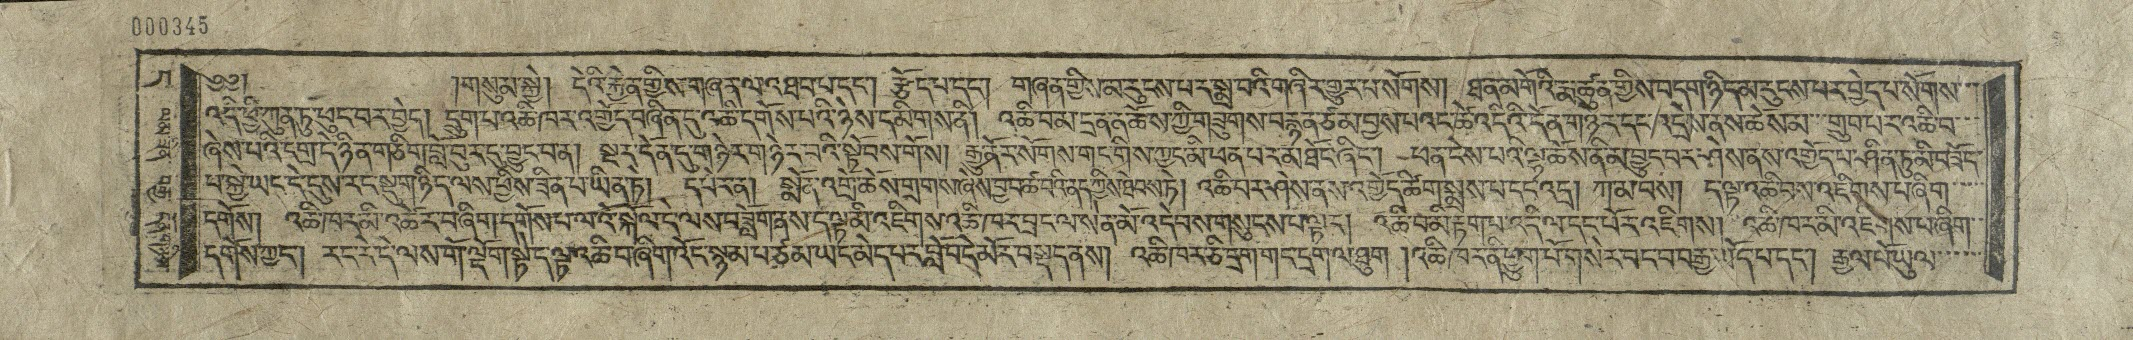༄༅། །གསུམ་སྐྱེ། དེའི་རྐྱེན་གྱིས་གཞན་ལ་འཐབ་པ་དང་། རྩོད་པ་དང་། གཞན་གྱིས་མ་རུངས་པར་སྨྲ་བའི་གཞིར་གྱུར་པ་སོགས། ཐ་ན་མགོའི་རྨ་ཚུན་གྱིས་བདག་ཉིད་མ་རུངས་པར་བྱེད་པ་སོགས་
འདི་ཕྱི་ཀུན་ཏུ་ཕུང་བར་བྱེད། དྲུག་པ་འཆི་ཁར་འགྱོད་བཞིན་དུ་འཆི་དགོས་པའི་ཉེས་དམིགས་ནི། འཆི་བ་མ་དྲན་ན་ཆོས་ཀྱི་གཟུགས་བརྙན་ཙམ་བྱས་པའང་ཚེ་འདིའི་དོན་གཉེར་དང་འདྲེས་ནས་ཆོས་མ་གྲུབ་པར་འཆི་བ་
ཞེས་པའི་དགྲ་དེ་ཉིན་གཅིག་བློ་བུར་དུ་བྱུང་བ་ན། སྔར་དོན་དུ་གཉེར་གཉེར་བའི་སྟོབས་གོས། རྒྱུ་ནོར་སོགས་གང་གིས་ཀྱང་མི་ཕན་པར་མཐོང་ཞིང་། ཕན་ངེས་པའི་ལྷ་ཆོས་ནི་མ་བྱུང་བར་ཤེས་ནས་འགྱོད་པ་ཤིན་ཏུ་མི་བཟོད་
པ་སྐྱེ་ཡང་དེ་དུས་རང་སྡུག་ཉིད་ལས་ཕྱིས་ཟིན་པ་ཡིན་ཏེ། དཔེར་ན། སྨོན་འགྲོ་ཆོས་གྲགས་ཞེས་བྱ་བ་ཚ་བའི་ནད་ཀྱིས་ཐེབས་ཏེ། འཆི་བར་ཤེས་ནས་འགྱོད་ཚིག་སྨྲས་པ་དང་འདྲ། ཀ་མ་བས། ད་ལྟ་འཆི་བས་འཇིགས་པ་ཞིག་
དགོས། འཆི་ཁར་མི་འཚེར་བ་ཞིག་དགོས་པ་ལ་འོ་སྐོལ་དེ་ལས་བཟློག་ནས་ད་ལྟ་མི་འཇིགས་འཆི་ཁར་བྲང་ལ་སེན་མོ་འདེབས་གསུངས་པ་ལྟར། འཆི་བ་མི་རྟག་པ་འདི་ལ་དང་པོར་འཇིགས། འཆི་ཁར་མི་འཇིགས་པ་ཞིག་
དགོས་ཀྱང་། རང་རེ་དེ་ལས་གོ་ལྡོག་སྟེ་ད་ལྟ་འཆི་བ་ཞིག་འོང་སྙམ་པ་ཙམ་ཡང་མེད་པར་བློ་བདེ་མོར་བསྡད་ནས། འཆི་ཁར་ཅི་དྲག་གང་དྲག་ལ་ཐུག །འཆི་ཁར་ནི་ཕྱུག་པོ་གསེར་བང་པ་བརྒྱ་ཡོད་པ་དང་། རྒྱལ་པོ་ཡུལ་